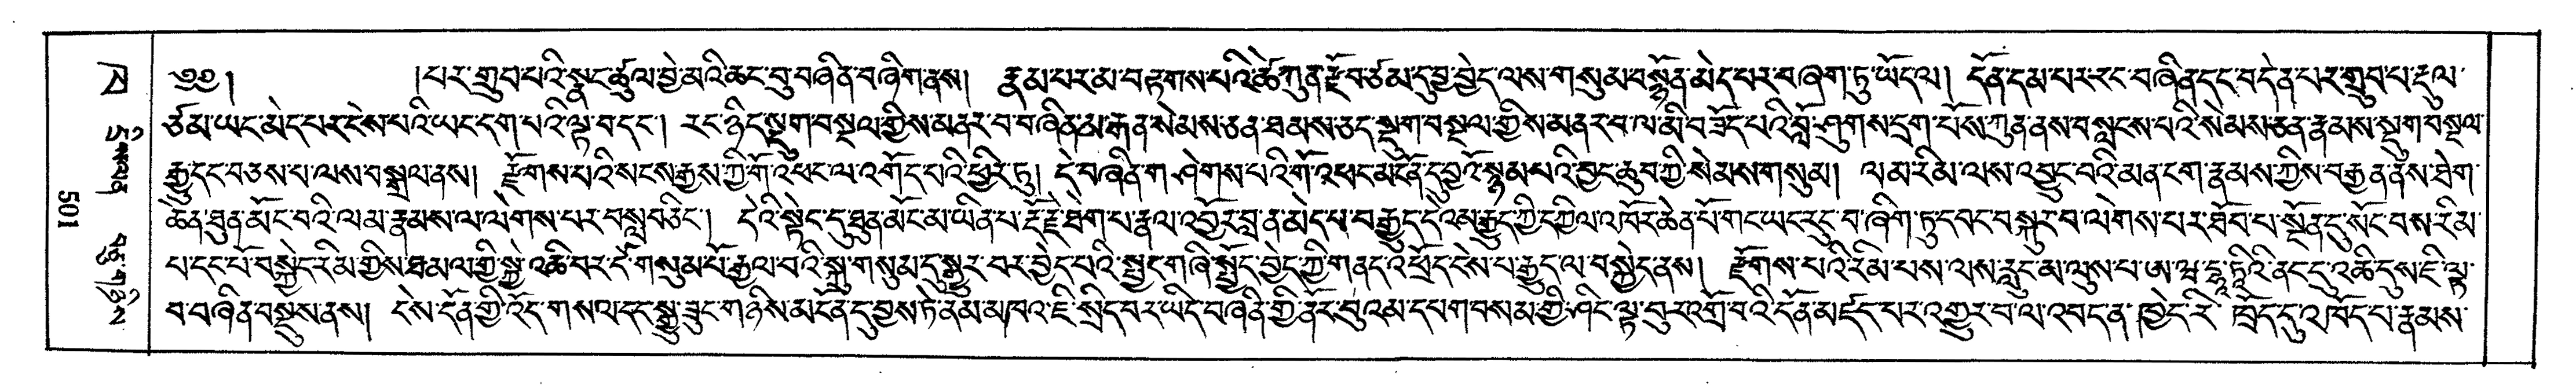༄༅། །པར་གྲུབ་པའི་སྣང་ཚུལ་བྱེ་མའི་ཆང་བུ་བཞིན་བཞིག་ནས། རྣམ་པར་མ་བརྟགས་པའི་ཚེ་ཀུན་རྫོབ་ཙམ་དུ་བྱ་བྱེད་ལས་གསུམ་བསྙོན་མེད་པར་བཞག་ཏུ་ཡོད་ལ། དོན་དམ་པར་རང་བཞིན་དང་བདེན་པར་གྲུབ་པ་རྡུལ་
ཙམ་ཡང་མེད་པར་དེས་པའི་ཡང་དག་པའི་ལྟ་བ་དང་། རང་ཉིད་སྡུག་བསྔལ་གྱིས་མནར་བ་བཞིན་མ་རྒན་སེམས་ཅན་ཐམས་ཅད་སྡུག་བསྔལ་གྱིས་མནར་བ་ལ་མི་བཟོད་པའི་བློ་ཤུགས་དྲག་པོས་ཀུན་ནས་བསླངས་པའི་སེམས་ཅན་རྣམས་སྡུག་བསྔལ་
རྒྱུ་དང་བཅས་པ་ལས་བསྒྲལ་ནས། རྫོགས་པའི་སངས་རྒྱས་ཀྱི་གོ་འཕང་ལ་འགོང་བའི་ཕྱིར་ཏུ། དེ་བཞིན་གཤེགས་པའི་གོ་འཕང་མངོན་དུ་བྱའོ་སྙམ་པའི་བྱང་ཆུབ་ཀྱི་སེམས་གསུམ། ལམ་དམ་ལས་འབྱུང་བའི་མན་ངག་རྣམས་ཀྱིས་བརྒྱན་ནས་ཐེག་
ཆེན་ཐུན་མོང་བའི་ལམ་རྣམས་ལ་ལེགས་པར་བསླབ་ཅིང་། དེའི་སྟེང་དུ་ཐུན་མོང་མ་ཡིན་པ་རྡོ་རྗེ་ཐེག་པ་རྣལ་འབྱོར་བླ་ན་མེད་པ་ཕ་རྒྱུད་དང་མ་རྒྱུད་ཀྱི་དཀྱིལ་འཁོར་ཆེན་པོ་གང་ཡང་རུང་བ་ཞིག་ཏུ་དབང་བསྐུར་བ་ལེགས་པར་ཐོབ་པ་སྡོན་དུ་སོང་བས་རིམ་
པ་དང་པོ་བསྐྱེད་རིམ་གྱིས་ཐ་མལ་གྱི་སྐྱེ་འཆི་བར་དོ་གསུམ་པོ་རྒྱལ་བའི་སྐུ་གསུམ་དུ་སྒྱུར་པར་བྱེད་པའི་སྤྱད་གཞི་སྤྱོང་བྱེད་ཀྱི་གནད་འཕྲོད་ངེས་པ་རྒྱུད་ལ་བསྐྱེད་ནས། རྫོགས་པའི་རིམ་པས་ལས་རླུང་མ་ལུས་པ་ཨ་ཝ་དྷཱུ་ཏཱིའི་ནང་དུ་འཆི་དུས་ཇི་ལྟ་
བ་བཞིན་བསྡུས་ནས། ངེས་དོན་གྱི་འོད་གསལ་དང་སྒྱུ་ཟུང་གཉིས་མངོན་དུ་བྱས་ཏེ་ནམ་མཁའ་ཇི་སྲིད་བོར་ཡིད་བཞིན་གྱི་ནོར་བུའམ་དཔག་བསམ་གྱི་ཤིང་ལྟ་བུར་འགྲོ་བའི་དོན་མཛད་པར་འགྱུར་པ་ལ་འབད་ན། ཁྱེད་རི་ཁྲོད་དུ་འཁོད་པ་རྣམས་